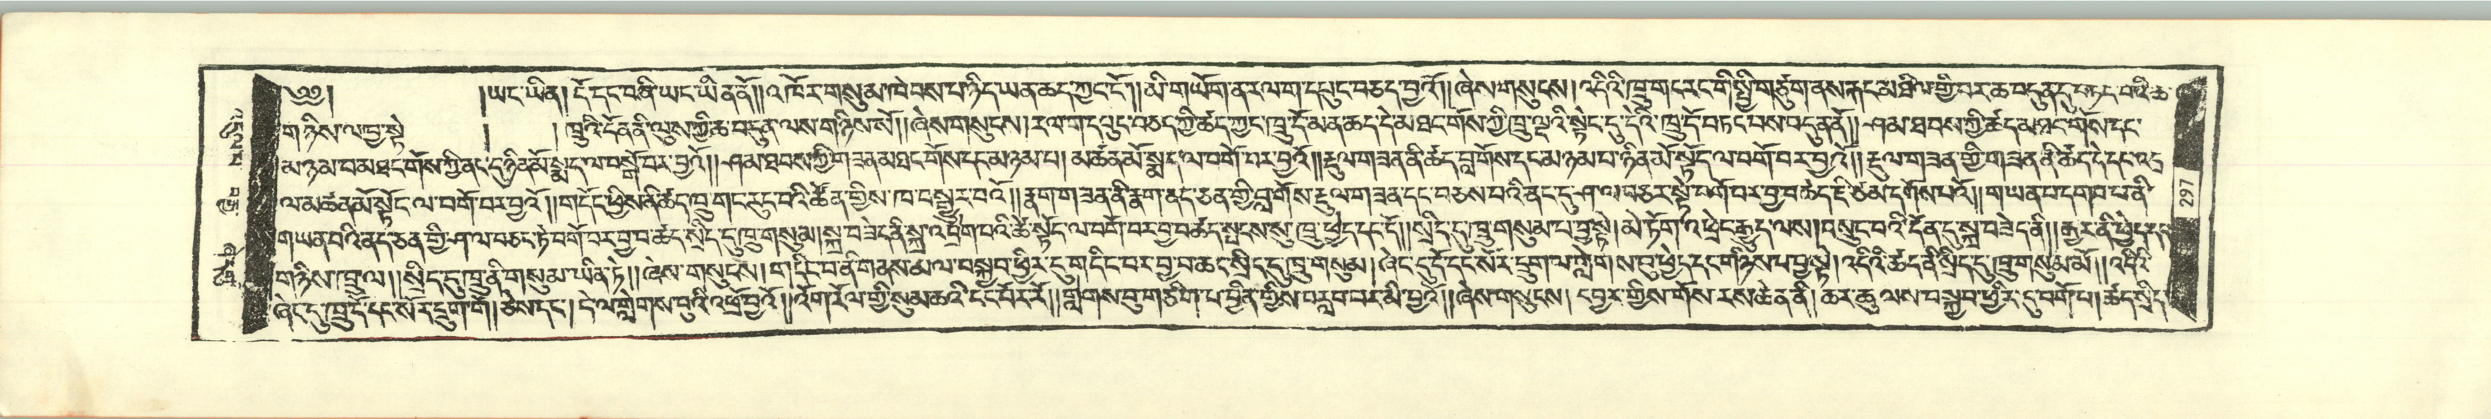༄༅། །ཡང་ཡིན། དོ་དང་བཞི་ཡང་ཡིན་ནོ། །འཁོར་གསུམ་ཁེབས་པ་ཉིད་ཡན་ཆད་ཀྱང་ངོ། །མི་གཡོག་ན་རལ་ག་དཔུང་བཅད་བྱའོ། །ཞེས་གསུངས། འདིའི་ཁྲུ་གང་རང་གི་སྤྱི་གཙུག་ནས་རྐང་མཐིལ་གྱི་བར་ཆ་བདུན་དུ་བཏང་བའི་ཆ་
གཉིས་ལ་བྱ་སྟེ། །ཁྲུའི་དོན་ནི་ལུས་ཀྱི་ཆ་བདུན་ལས་གཉིས་སོ། །ཞེས་གསུངས། རལ་ག་དཔུང་བཅད་ཀྱི་ཚད་ཀྱང་ཁྲུ་དོ་མན་ཆད་དེ་མཐང་གོས་ཀྱི་ཁྲུ་ལྔའི་སྟེང་དུ་དེའི་ཁྲུ་དོ་བཏང་པས་བདུན་ནོ། །ཤམ་ཐབས་ཀྱི་ཚད་མཐང་གོས་དང་
མཉམ་པ་མཐང་གོས་ཀྱི་ནང་དུ་ཉིན་མོ་སྨད་ལ་བསྒོ་བར་བྱའོ། །ཤམ་ཐམས་ཀྱི་གཟན་མཐང་གོས་དང་མཉམ་པ། མཚན་མོ་སྨད་ལ་བགོ་བར་བྱའོ། །རྡུལ་གཟན་ནི་ཚད་བླ་གོས་དང་མཉམ་པ་ཉིན་མོ་སྟོད་ལ་བགོ་བར་བྱའོ། །རྡུལ་གཟན་གྱི་གཟན་ནི་ཚད་དེ་དང་འདྲ་
ལ་མཚན་མོ་སྟོང་ལ་བགོ་བར་བྱའོ། །གདོང་ཕྱིས་ནི་ཚད་ཁྲུ་གང་རུང་བའི་ཚོན་གྱིས་ཁ་བསྒྱུར་བའོ། །རྣག་གཟན་ནི་རྣག་ནད་ཅན་གྱི་བླ་གོས་རྡུལ་གཟན་དང་བཅས་པའི་ནང་དུ་ཤ་ལ་བཅར་སྟེ་བགོ་བར་བྱ་བ་ཆེད་ཇི་ཙམ་དགོས་པའོ། །གཡན་པ་དགབ་བ་ནི་
གཡན་པའི་ནད་ཅན་གྱི་ཤ་ལ་བཅང་ཏེ་བགོ་བར་བྱ་བ་ཚད་སྲིད་དུ་ཁྲུ་གསུམ། སྐྲ་བཟེད་ནི་སྐྲ་འབྲེག་བའི་ཚེ་སྟོད་ལ་བགོ་བར་བྱ་བ་ཚད་སྤངས་སུ་ཁྲུ་ཕྱེད་དང་དོ། །སྲིད་དུ་ཁྲུ་གསུམ་པ་བྱ་སྟེ། མེ་ཏོག་འཕྲེང་རྒྱུད་ལས། བསྲུང་བའི་དོན་དུ་སྐྲ་བཟེད་ནི། །རྒྱར་ནི་ཕྱེད་དང་
གཉིས་ཁྲུ་ལ། །སྲིད་དུ་ཁྲུ་ནི་གསུམ་ཡིན་ཏེ། །ཞེས་གསུངས། གདིང་བ་ནི་གནས་མལ་བསྐྱབ་ཕྱིར་དུ་གདིང་བར་བྱ་བ་ཆད་སྲིད་དུ་ཁྲུ་གསུམ། ཞེང་དུ་དོ་དང་སོར་དྲུག་ལ་གླེགས་བུ་ཕྱེད་དང་གཉིས་པ་བྱ་སྟེ། འདིའི་ཚད་ནི་སྲིད་དུ་ཁྲུ་གསུམ་མོ། །འདིའི་
ཞེང་དུ་ཁྲུ་དོ་དང་སོར་དྲུག་གོ། ཅེས་དང་། དེ་ལ་གླེགས་བུའི་འཕྲོ་བྱའོ། །འོག་རོལ་གྱི་སུམ་ཆའི་ངང་པོར་རོ། །གླེགས་བུ་གཅིག་པ་བྱིན་གྱིས་བརླབ་པར་མི་བྱའོ། །ཞེས་གསུངས། དབྱར་གྱིས་གོས་རས་ཆེན་ནི། ཆར་ཆུ་ལས་བསྐྱབ་ཕྱིར་དུ་བགོ་པ། ཚད་སྲིད་